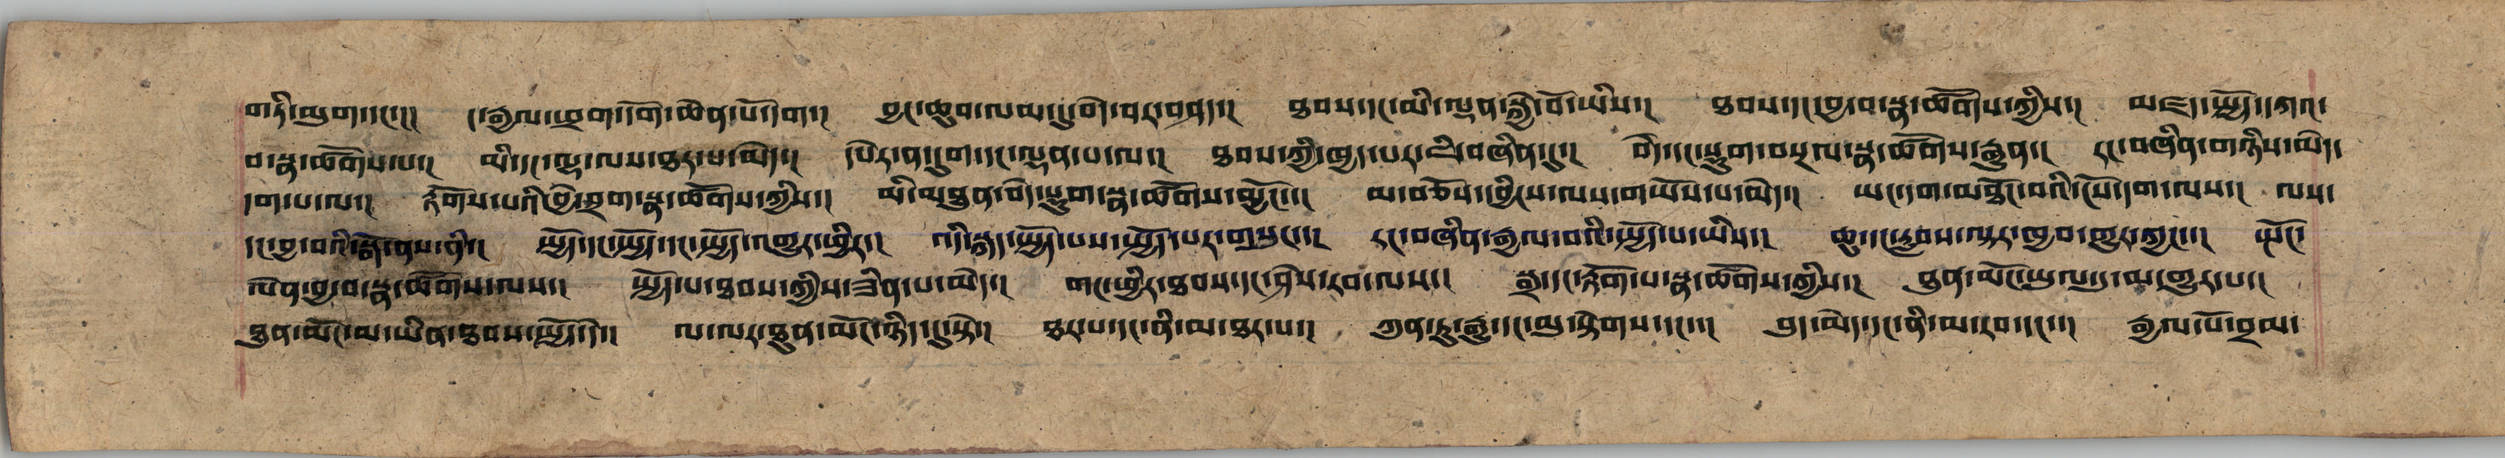གཏི་མུག་དང་།།། ང་རྒྱལ་ཕྲག་དོག་ཆེན་པོ་དག་། བྱང་ཆུབ་ལམ་དུ་བདེ་བར་བཤད་། ཐབས་དང་མི་ལྡན་སྐྱེ་བོ་ཡིས་། ཐབས་དང་བྱ་བ་སྣ་ཚོགས་ཀྱིས་། མཛད་སྤྱོད་དཀའ་
བ་སྣ་ཚོགས་པ་། མི་དང་ལྷ་ལས་ཐར་པ་མེད་། དཔེར་ན་དུག་དང་ལྡན་པ་ལ་། ཐབས་ཀྱི་ཁྱད་པར་ཇི་བཞིན་དུ་། བདེ་དང་སྡུག་བསྔལ་སྣ་ཚོགས་རྒྱུན་། རང་བཞིན་གཉིས་མེད་
དག་པ་ལ་། རྟོགས་པའི་བྱེ་བྲག་སྣ་ཚོགས་ཀྱིས་། མི་མཐུན་བདེ་སྡུག་སྣ་ཚོགས་མྱོང་་། མ་བཅོས་དབྱིངས་ལས་གཡོས་པ་མེད་། ཡང་དག་མཐོང་བའི་ངོས་དག་ལས་། ལས་
དང་བྱ་བའི་སྒོ་ནས་ནི་། སྤྱོད་དང་སྤྱོད་དང་སྤྱོད་འགྱུར་ཕྱིར་། འདི་སྐད་སྤྱོད་པས་སྤྱོད་པར་གསུང་་། རང་བཞིན་རྒྱལ་བའི་སྤྱོད་པ་ཡིས་། ཆུ་དང་རླབས་ལྟར་ཁྱབ་གྱུར་ཀྱང་་། སྤོང་
དང་བྱ་བ་སྣ་ཚོགས་ལས་། སྤྱོད་པ་ཐབས་ཀྱིས་ཟིན་པ་མེད་། གང་ཕྱིར་ཐབས་དང་ཤེས་རབ་ལས་། སྒྲ་དང་རྟོག་པ་སྣ་ཚོགས་ཀྱིས་། ཐུན་མོང་ཡུལ་དུ་མ་གྱུར་པ་།
ཐུན་མོང་མ་ཡིན་ཐབས་སྤྱོད་དོ་། ལ་ལར་ཐུན་མོང་ཉིད་དུ་སྟེ་། ཐར་པ་དང་ནི་མ་ཐར་པ་། ཀུན་ཏུ་རྒྱུ་དང་མུ་སྟེགས་དང་་། བུད་མེད་དང་ནི་མ་རབ་དང་་། རྒྱལ་པོ་བྲམ་